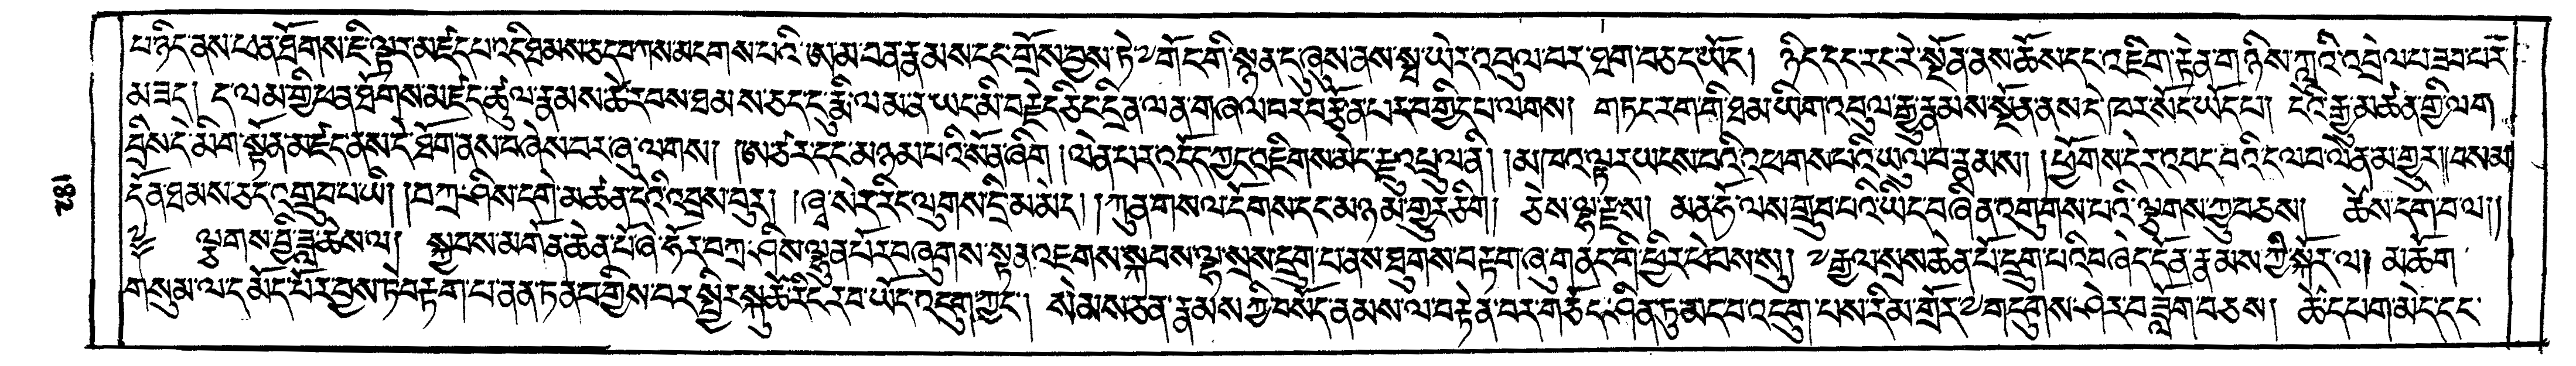པ་ཉིད་ནས་ཕན་ཐོགས་ཇི་ལྟར་མཛད་པ་འདི་ཐམས་ཅད་བཀས་མངགས་པའི་ཨ་མ་བན་རྣམས་དང་གྲོས་བྱས་ཏེ ༧གོང་གི་སྙན་དུ་ཞུས་ནས་སྦ་ཡེར་འབུལ་བར་ཐག་བཅད་ཡོད། ཉིད་དང་རང་རེ་སྔོན་ནས་ཆོས་དང་འཇིག་རྟེན་གཉིས་ཀའི་འབྲེལ་བཟབ་པར་
མ་ཟད། ད་ལམ་གྱི་ཕན་ཐོགས་མཛད་ཚུལ་རྣམས་ཚེ་རབས་ཐམས་ཅད་དུ་རྨི་ལམ་ན་ཡང་མི་བརྗེད་ཅིང་དྲིན་ལན་གཞལ་བར་བརྩོན་པར་བགྱིད་པ་ལགས། གཏང་རག་གི་ཐམ་ཡིག་འབུལ་རྒྱུ་རྣམས་སྔོན་ནས་དེ་ཁར་སོང་ཡོད་པ། དེའི་རྒྱུ་མཚན་གྱི་ལག་
བྲིས་དེ་མིག་སྟོན་མཛད་ནས་དེ་ཐོག་ནས་བཞེས་པར་ཞུ་ལགས། ཨཙ་ར་དང་མཉམ་པའི་སོན་ཞིག །ལེན་པར་འདོད་ཀྱང་འཇིགས་མེད་རྫུ་འཕྲུལ་ནི། །མཁའ་ལྟར་ཡངས་པའི་འཕགས་པའི་ཡུལ་པ་རྣམས། །ཕྱོགས་དེར་འབད་བའི་ངལ་བ་ལེན་མ་གྱུར། །བསམ་
དོན་ཐམས་ཅད་འགྲུབ་པ་ཡི། །བཀྲ་ཤིས་དགེ་མཚན་དེའི་འབྲས་བུར། །ཞྭ་སེར་རིང་ལུགས་དྲི་མ་མེད། །ཀུན་གསལ་ངོགས་དང་མཉམ་གྱུར་ཅིག། ཅེས་ལྷ་རྫས། མ་ན་ཧོ་ལས་གྲུབ་པའི་ཡིད་བཞིན་འགུགས་པའི་ལྕགས་ཀྱུ་བཅས། ཚེས་དགེ་བ་ལ།།
༈ ལྕགས་བྱི་ཟླ་ཚེས་ལ། སྐྱབས་མགོན་ཆེན་པོ་ཞེ་ཧོར་བཀྲ་ཤིས་ལྷུན་པོར་བཞུགས་སྟན་འཇགས་སྐབས་ལྷ་སྲས་དྲུག་པ་ནས་ཐུགས་བརྟག་ཞུ་གནང་གི་ཕྱིར་ཕེབས་སུ། ༧རྒྱལ་སྲས་ཆེན་པོ་དྲུག་པའི་བཞེད་དོན་རྣམས་ཀྱི་སྐོར་ལ། མཆོག་
གསུམ་ལ་དམོད་བོར་བྱས་ཏེ་བརྟག་པ་ནན་ཏན་བགྱིས་པར་སྤྱིར་སྐུ་ཚེ་རིང་རབ་ཡོད་འདུག་ཀྱང་། སེམས་ཅན་རྣམས་ཀྱི་བསོད་ནམས་ལ་བརྟེན་བར་གཅོད་ཤིན་ཏུ་མང་བ་འདུག་པས་རིམ་གྲོར ༧གདུགས་ཤེར་བཟློག་བཅས། ཚེ་དཔག་མེད་དང་